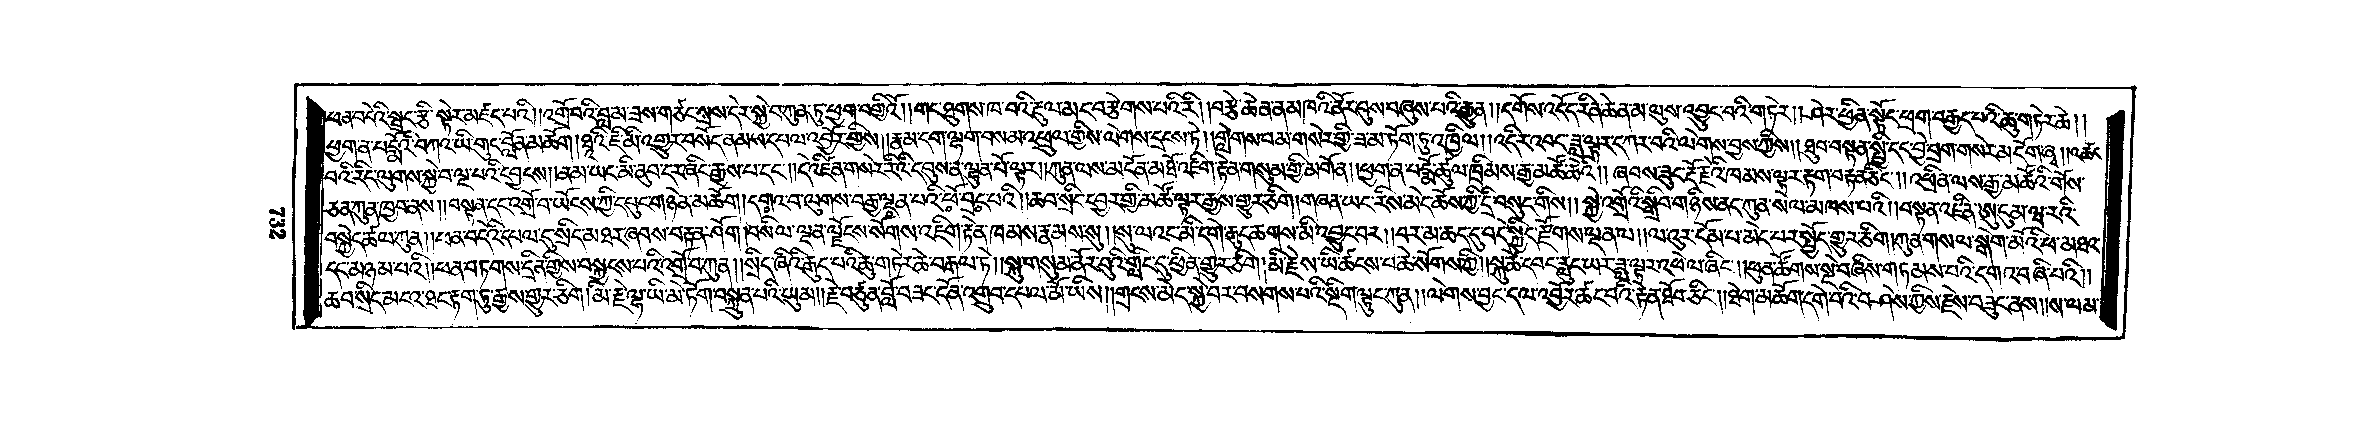ཕན་བདེའི་སྦྲང་རྩི་སྟེར་མཛད་པའི། །འགྲོ་བའི་བླ་མ་ཟས་གཙང་སྲས་དེར་སྐྱེ་བ་ཀུན་ཏུ་ཕྱག་བགྱིའོ། །གང་ཐུགས་ཁ་བའི་རྡུལ་མང་བརྩེགས་པའི་རི། །བརྩེ་ཆེན་ནམ་མཁའི་ནོར་བུས་བཞུས་པའི་རྒྱུན། །དགོས་འདོད་རིན་ཆེན་མ་ལུས་འབྱུང་བའི་གཏེར། །ཤེར་ཕྱིན་སྟོང་ཕྲག་བརྒྱད་པའི་ཆུ་གཏེར་ཆེ། །
ཕྱག་ན་པདམོའི་བཀའ་ཡི་གུང་བློན་མཆོག །ཐཱའི་ཇི་མི་འགྱུར་བསོད་ནམས་དཔལ་འབྱོར་གྱིས། །རྣམ་དག་ལྷག་བསམ་འཕྲུལ་གྱིས་ལེགས་དྲངས་ཏེ། །གླེགས་བམ་གསེར་གྱི་ཟ་མ་ཏོག་ཏུ་འཁྱིལ། །འདིར་འབད་ཟླ་ལྟར་དཀར་བའི་ལེགས་བྱས་ཀྱིས། །ཐུབ་བསྟན་སྤྱི་དང་བྱེ་བྲག་གསེར་མདོག་ཞྭ། །འཚང་
བའི་རིང་ལུགས་སྐྱེ་བ་ལྔ་པའི་དབྱངས། །ནམ་ཡང་མི་ནུབ་དར་ཞིང་རྒྱས་པ་དང་། །དེ་འཛིན་གསེར་རིའི་དབུས་ན་ལྷུན་པོ་ལྟར། །ཀུན་ལས་མངོན་མཐོ་འཇིག་རྟེན་གསུམ་གྱི་མགོན། །ཕྱག་ན་པདམོ་ཚུལ་ཁྲིམས་རྒྱ་མཚོ་ཆེའི། །ཞབས་ཟུང་རྡོ་རྗེའི་ཁམས་ལྟར་རྟག་བརྟན་ཅིང་། །འཕྲིན་ལས་རྒྱ་མཚོའི་གོས་
ཅན་ཀུན་ཁྱབ་ནས། །བསྟན་དང་འགྲོ་བ་ཡོངས་ཀྱི་དཔུང་གཉེན་མཆོག །དགའ་བ་ལུགས་བརྒྱ་ལྡན་པའི་ཕོ་བྲང་པའི། །ཆབ་སྲིང་དབྱར་གྱི་མཚོ་ལྟར་རྒྱས་གྱུར་ཅིག །གཞན་ཡང་རིས་མེད་ཆོས་ཀྱི་དྲི་བསུང་གིས། །སྐྱེ་འགྲོའི་སྒྲིབ་གཉིས་ནད་ཀུན་སེལ་མཁས་པའི། །བསྟན་འཛིན་ཨུ་དུམ་ཝ་རའི་
བསྐྱེད་ཚལ་ཀུན། །ཕན་བདེའི་དཔལ་དུ་སྲིད་མཐར་ཞབས་བརྟན་ཤོག །བསིལ་ལྡན་ལྗོངས་སོགས་འཇིག་རྟེན་ཁམས་རྣམས་སུ། །སུ་ལའང་མི་དགེ་རྒུད་ཆགས་མི་འབྱུང་བར། །བར་མ་ཆད་དུ་བདེ་སྐྱིད་རྫོགས་ལྡན་ལ། །ལ་འུར་དོམ་པ་མེད་པར་སྤྱོད་གྱུར་ཅིག །ཀུན་གསལ་སྒེག་མོའི་ཕ་མཐའ་
དང་མཉམ་པའི། །ཕན་བཏགས་དྲིན་གྱིས་བསྐྱངས་པའི་འགྲོ་བ་ཀུན། །སྲིད་ཞིའི་རྒུད་པའི་ཆུ་གཏེར་ཆེ་བརྒལ་ཏེ། །སྐུ་གསུམ་ནོར་བུའི་གླིང་དུ་ཕྱིན་གྱུར་ཅིག །མི་རྗེས་ཡི་ཚངས་པ་ཆེ་སོགས་ཀྱི། །སྐུ་ཚེ་དབང་རླུང་ཡར་ཟླ་ལྟར་འཕེལ་ཞིང་། །ཕུན་ཚོགས་སྡེ་བཞིས་གཏམས་པའི་དགའ་བཞི་པའི།།
ཆབ་སྲིད་མངའ་ཐང་རྟག་ཏུ་རྒྱས་གྱུར་ཅིག །མི་རྗེ་ལྷ་ཡི་མེ་ཏོག་བསྐྲུན་པའི་ཡུམ། །རྗེ་བཙུན་བློ་བཟང་དོན་འགྲུབ་དཔལ་མོ་ཡིས། །གྲངས་མེད་སྐྱེ་བར་བསགས་པའི་སྡིག་ལྟུང་ཀུན། །ལེགས་བྱང་དལ་འབྱོར་ཚང་བའི་རྟེན་ཐོབ་ཅིང་། །ཐེག་མཆོག་དགེ་བའི་བཤེས་ཀྱིས་རྗེས་བཟུང་ནས། །ས་ལམ་